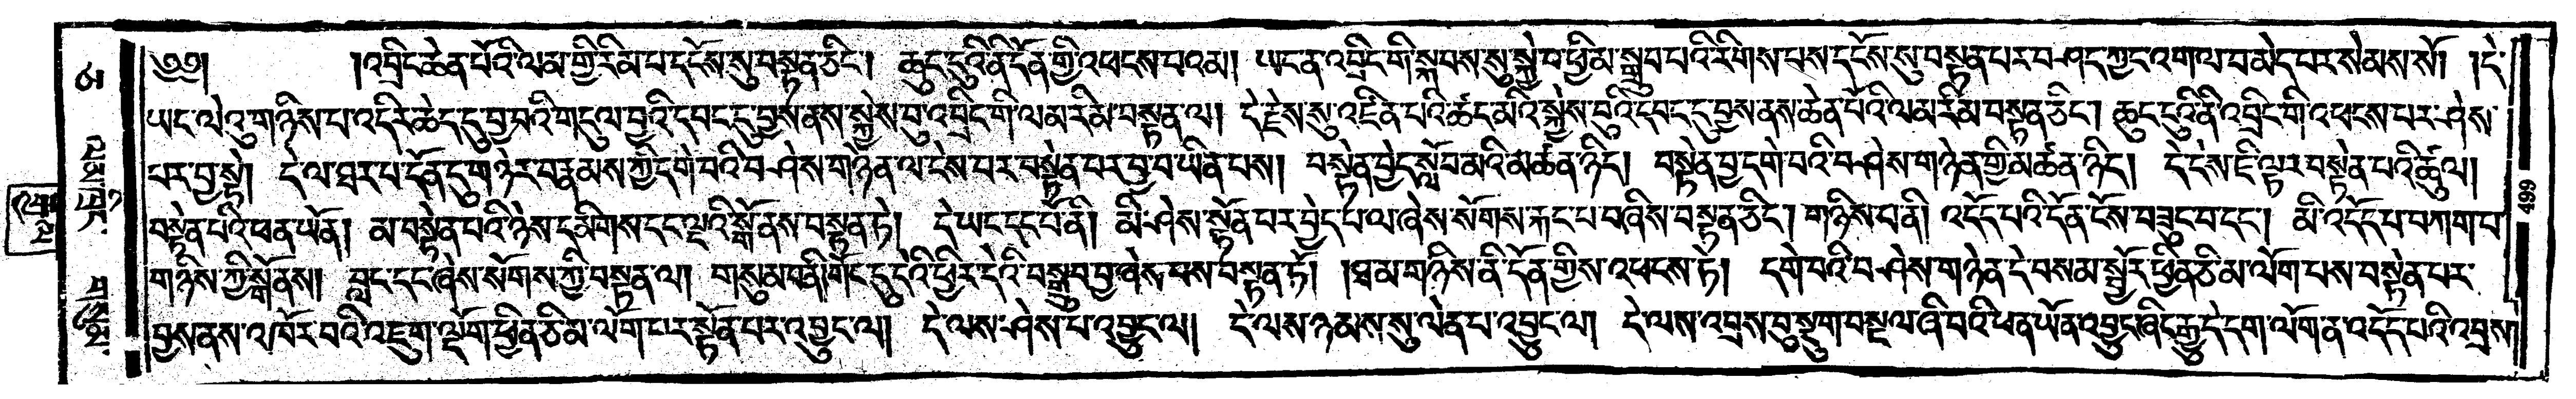༄༅། །འབྲིང་ཆེན་པོའི་ལམ་གྱི་རིམ་པ་དངོས་སུ་བསྟན་ཅིང་། ཆུང་དུའི་ནི་དོན་གྱི་འཕངས་པའམ། ཡང་ན་འབྲིང་གི་སྐབས་སུ་སྐྱེ་བ་ཕྱི་མ་སྒྲུབ་པའི་རིགས་པས་དངོས་སུ་བསྟན་པར་བཤད་ཀྱང་འགལ་བ་མེད་པར་སེམས་སོ། །དེ་
ཡང་ལེའུ་གཉིས་པ་འདིར་ཆེད་དུ་བྱ་བའི་གདུལ་བྱའི་དབང་དུ་བྱས་ནས་སྐྱེས་བུ་འབྲིང་གི་ལམ་རིམ་བསྟན་ལ། དེ་རྗེས་སུ་འཛིན་པའི་ཚད་མའི་སྐྱེས་བུའི་དབང་དུ་བྱས་ནས་ཆེན་པོའི་ལམ་རིམ་བསྟན་ཅིང་། ཆུང་ངུའི་ནི་འབྲིང་གི་འཕངས་པར་ཤེས་
པར་བྱ་སྟེ། དེ་ལ་ཐར་པ་དོན་དུ་གཉེར་བ་རྣམས་ཀྱི་དགེ་བའི་བཤེས་གཉེན་ལ་ངེས་པར་བསྟེན་པར་བྱ་བ་ཡིན་པས། བསྟེན་བྱེད་སློབ་མའི་མཚན་ཉིད། བསྟེན་བྱ་དགེ་བའི་བཤེས་གཉེན་གྱི་མཚན་ཉིད། དེ་ངེས་ཇི་ལྟར་བསྟེན་པའི་ཚུལ།
བསྟེན་པའི་ཕན་ཡོན། མ་བསྟེན་པའི་ཉེས་དམིགས་དང་ལྔའི་སྒོ་ནས་བསྟན་ཏེ། དེ་ཡང་དང་པོ་ནི། མི་ཤེས་སྟོན་པར་བྱེད་པ་ལ་ཞེས་སོགས་རྐང་པ་བཞིས་བསྟན་ཅིང་། གཉིས་པ་ནི། འདོད་པའི་དོན་ངོས་བཟུང་བ་དང་། མི་འདོད་པ་བཀག་པ་
གཉིས་ཀྱི་སྒོ་ནས། བླང་དང་ཞེས་སོགས་ཀྱི་བསྟན་ལ། གསུམ་པ་ནི། གོང་དུ་དེའི་ཕྱིར་དེའི་བསྒྲུབ་བྱ་ཞེས་པས་བསྟན་ཏོ། །ཐ་མ་གཉིས་ནི་དོན་གྱིས་འཕངས་ཏེ། དགེ་བའི་བཤེས་གཉེན་དེ་བསམ་སྦྱོར་ཕྱིན་ཅི་མ་ལོག་པས་བསྟེན་པར་
བྱས་ནས་འཁོར་བའི་འཇུག་ལྡོག་ཕྱིན་ཅི་མ་ལོག་པར་སྟོན་པར་འབྱུང་ལ། དེ་ལས་ཤེས་པ་འབྱུང་ལ། དེ་ལས་ཉམས་སུ་ལེན་པ་འབྱུང་ལ། དེ་ལས་འབྲས་བུ་སྡུག་བསྔལ་ཞི་བའི་ཕན་ཡོན་འབྱུང་ཞིང་རྒྱུ་དེ་དག་ལོག་ན་འདོད་པའི་འབྲས་